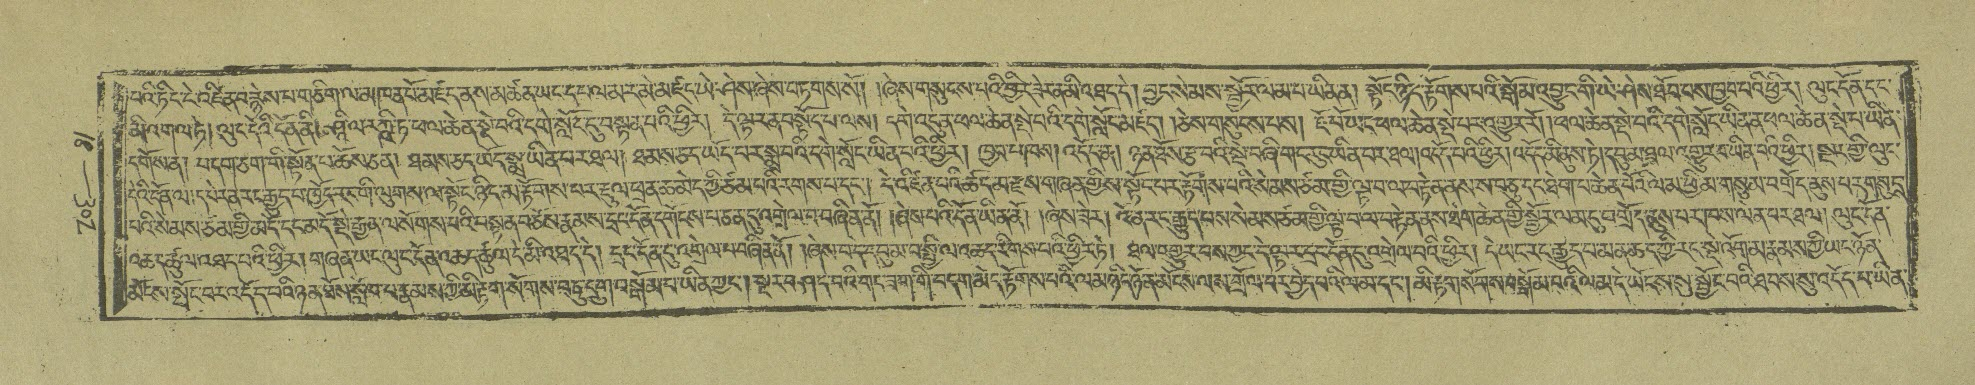བའི་ཏིང་ངེས་འཛིན་བརྙེས་པ་གཅིག་ལ་མཁན་པོ་མཛད་ནས་མཚན་ཡང་དཔལ་མར་མེ་མཛད་ཡེ་ཤེས་ཞེས་བཏགས་སོ། །ཞེས་གསུངས་པའི་ཕྱིར་ཟེར་ན་མི་འཐད་དེ། བྱང་སེམས་སྦྱོར་ལམ་པ་ཡིན་ན། སྟོང་ཉིད་རྟོགས་པའི་སྒོམ་འབྱུང་གི་ཡེ་ཤེས་ཐོབ་པས་ཁྱབ་པའི་ཕྱིར། ལུང་དོན་དང་
མི་འགལ་ཏེ། ལུང་དེའི་དོན་ནི། ཤཱི་ལ་རཀྵི་ཏ་ཕལ་ཆེན་སྡེ་བའི་དགེ་སློང་དུ་བསྟན་པའི་ཕྱིར། དེ་ལྟར་ན་བསྟོད་པ་ལས། དགེ་འདུན་ཕལ་ཆེན་སྡེ་བའི་དགེ་སློང་མཛད། །ཅེས་གསུངས་པས། ཇོ་བོ་ཡང་ཕལ་ཆེན་སྡེ་པར་འགྱུར་རོ། །ཕལ་ཆེན་སྡེ་བའི་དགེ་སློང་ཡིན་ན་ཕལ་ཆེན་སྡེ་པ་ཡིན་
དགོས་ན། བདག་ཅག་གི་སྟོན་པ་ཆོས་ཅན། ཐམས་ཅད་ཡོད་སྨྲ་ཡིན་པར་ཐལ། ཐམས་ཅད་ཡོད་པར་སྨྲ་བའི་དགེ་སློང་ཡིན་པའི་ཕྱིར། ཁྱབ་པ་ཁས། འདོད་ན། ཉན་ཐོས་རྩ་བའི་སྡེ་བཞི་གང་རུང་ཡིན་པར་ཐལ། འདོད་པའི་ཕྱིར། འདོད་མི་ནུས་ཏེ། དབུ་མ་ཐལ་འགྱུར་བ་ཡིན་པའི་ཕྱིར། སྔར་གྱི་ལུང་
དེའི་དོན་ལ། དཔེར་ན་རང་རྒྱུད་པ་ཁྱོད་རང་གི་ལུགས་ལ་སྟོང་ཉིད་མ་རྟོགས་པར་རྡུལ་ཕྲན་ཆ་མེད་ཀྱི་ཙམ་པའི་རགས་པ་དང་། དེ་འཛིན་པའི་ཚད་མ་རྫས་གཞན་གྱིས་སྟོང་པར་རྟོགས་པའི་སེམས་ཙམ་གྱི་ལྟ་བ་ལ་བརྟེན་ནས་ས་བཅུ་དང་ཐེག་པ་ཆེན་པོའི་ལམ་ཕྱི་མ་གསུམ་བགྲོད་ནུས་པར་གསུངས་
པའི་སེམས་ཙམ་གྱི་མདོ་དང་མདོ་སྡེ་རྒྱན་ལ་སོགས་པའི་བསྟན་བཅོས་རྣམས་དྲང་དོན་དགོངས་པ་ཅན་དུ་འགྲེལ་པ་བཞིན་ནོ། །ཞེས་པའི་དོན་ཡིན་ནོ། །ཞེས་ཟེར། འོ་ན་རང་རྒྱུད་པས་སེམས་ཙམ་གྱི་ལྟ་བ་ལ་བརྟེན་ནས་ཐེག་ཆེན་གྱི་སྦྱོར་ལམ་དུ་བགྲོད་ནུས་པར་ཁས་ལེན་པར་ཐལ། ལུང་དོན་
འཆད་ཚུལ་འཐད་པའི་ཕྱིར། གཞན་ཡང་ལུང་དོན་འཆད་ཚུལ་དེ་མི་འཐད་དེ། དྲང་དོན་དུ་འགྲེལ་བ་བཞིན་ནོ། །ཞེས་བདེ་དབུ་མ་པ་སྤྱི་ལ་འཆད་རིགས་པའི་ཕྱིར་ཏེ། ཐལ་འགྱུར་བས་ཀྱང་དེ་ལྟར་དྲང་དོན་དུ་འགྲེལ་བའི་ཕྱིར། དེ་ཡང་རང་རྒྱུད་པ་མན་ཆད་ཀྱི་རང་སྡེ་འོག་མ་རྣམས་ཀྱི་ཡང་ཉོན་
མོངས་སྤོང་བར་འདོད་པའི་ཉན་ཐོས་སློབ་པ་རྣམས་ཀྱི་མི་རྟག་སོགས་བཅུ་དྲུག་བསྒོམ་པ་ཡིན་ཀྱང་། སྔར་བཤད་པའི་གང་ཟག་གི་བདག་མེད་རྟོགས་པའི་ལམ་ཉིད་ཉོན་མོངས་ལས་གྲོལ་བར་བྱེད་པའི་ལམ་དང་། མི་རྟགས་སོགས་བསྒོམ་པའི་ལམ་དེ་ཡོངས་སུ་སྦྱོང་བའི་ཐབས་སུ་འདོད་པ་ཡིན་